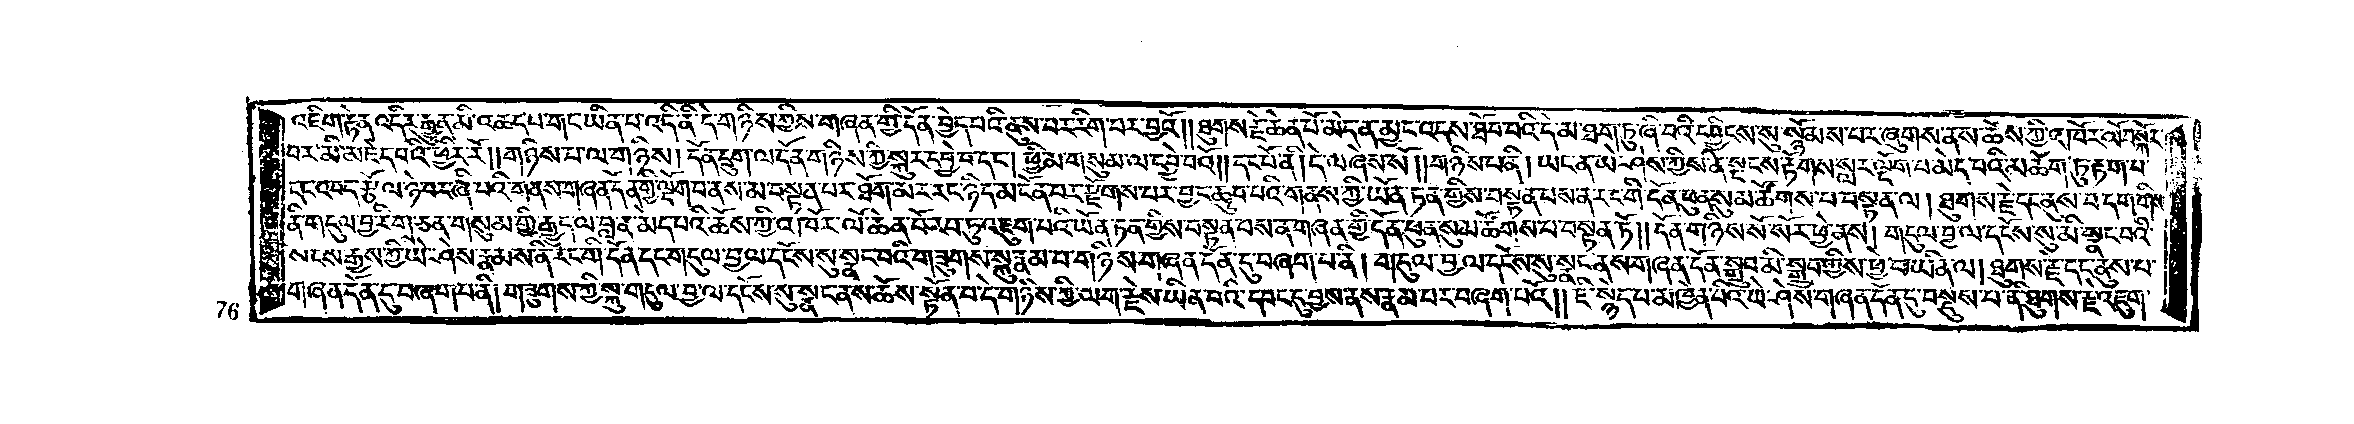འཇིག་རྟེན་འདིར་རྒྱུན་མི་འཆད་པ་གང་ཡིན་པ་འདི་ནི་དེ་གཉིས་ཀྱིས་གཞན་གྱི་དོན་བྱེད་པའི་ནུས་པར་རིག་པར་བྱའོ། །ཐུགས་རྗེ་ཆེན་པོ་མེད་ན་མྱང་འདས་ཐོབ་པའི་དེ་མ་ཐག་ཏུ་ཞི་བའི་དབྱིངས་སུ་སྙོམས་པར་ཞུགས་ནས་ཆོས་ཀྱི་འཁོར་ལོ་བསྐོར་
བར་མི་མཛད་པའི་ཕྱིར་རོ། །གཉིས་པ་ལ་གཉིས། དོན་དྲུག་ལ་དོན་གཉིས་ཀྱི་སྐུར་དབྱེ་བ་དང་། ཕྱི་མ་གསུམ་ལ་དབྱེ་བའོ། །དང་པོ་ནི། དེ་ལ་ཞེས་སོ། །གཉིས་པ་ནི། ཡང་ན་ཡེ་ཤེས་ཀྱིས་ནི་སྤངས་རྟོགས་སླར་ལྡོག་པ་མེད་པའི་མཆོག་ཏུ་རྟག་པ་
དང་འབད་རྩོལ་ཉེ་བར་ཞི་བའི་གནས་གཞན་དོན་གྱི་ལྡོག་པ་ནས་མ་བསྟན་པར་ཐོག་མར་རང་ཉིད་མངོན་པར་རྫོགས་པར་བྱང་ཆུབ་པའི་གནས་ཀྱི་ཡོན་ཏན་གྱིས་བསྟན་པས་ན་རང་གི་དོན་ཕུན་སུམ་ཚོགས་པ་བསྟན་ལ། ཐུགས་རྗེ་དང་ནུས་པ་དག་གིས་
ནི་གདུལ་བྱ་རིག་ཅན་གསུམ་གྱི་རྒྱུད་ལ་བླ་ན་མེད་པའི་ཆོས་ཀྱི་འཁོར་ལོ་ཆེན་པོ་རབ་ཏུ་འཇུག་པའི་ཡོན་ཏན་གྱིས་བསྟན་པས་ན་གཞན་གྱི་དོན་ཕུན་སུམ་ཚོགས་པ་བསྟན་ཏོ། །དོན་གཉིས་སོ་སོར་ཕྱེ་ནས། གདུལ་བྱ་ལ་དངོས་སུ་མི་སྣང་བའི་
སངས་རྒྱས་ཀྱི་ཡེ་ཤེས་རྣམས་ནི་རང་གི་དོན་དང་གདུལ་བྱ་ལ་དངོས་སུ་སྣང་བའི་གཟུགས་སྐུ་རྣམ་པ་གཉིས་གཞན་དོན་དུ་བཞག་པ་ནི། གདུལ་བྱ་ལ་དངོས་སུ་སྣང་ནས་གཞན་དོན་སྒྲུབ་མི་སྒྲུབ་ཀྱིས་ཕྱེ་བ་ཡིན་ལ། ཐུགས་རྗེ་དང་ནུས་པ་
གཞན་དོན་དུ་བཞག་པ་ནི། གཟུགས་ཀྱི་སྐུ་གདུལ་བྱ་ལ་དངོས་སུ་སྣང་ནས་ཆོས་སྟོན་པ་དེ་གཉིས་ཀྱི་ལག་རྗེས་ཡིན་པའི་དབང་དུ་བྱས་ནས་རྣམ་པར་བཞག་པའོ། །ཇི་སྙེད་པ་མཁྱེན་པའི་ཡེ་ཤེས་གཞན་དོན་དུ་བསྡུས་པ་ནི་ཐུགས་རྗེ་འཇུག་